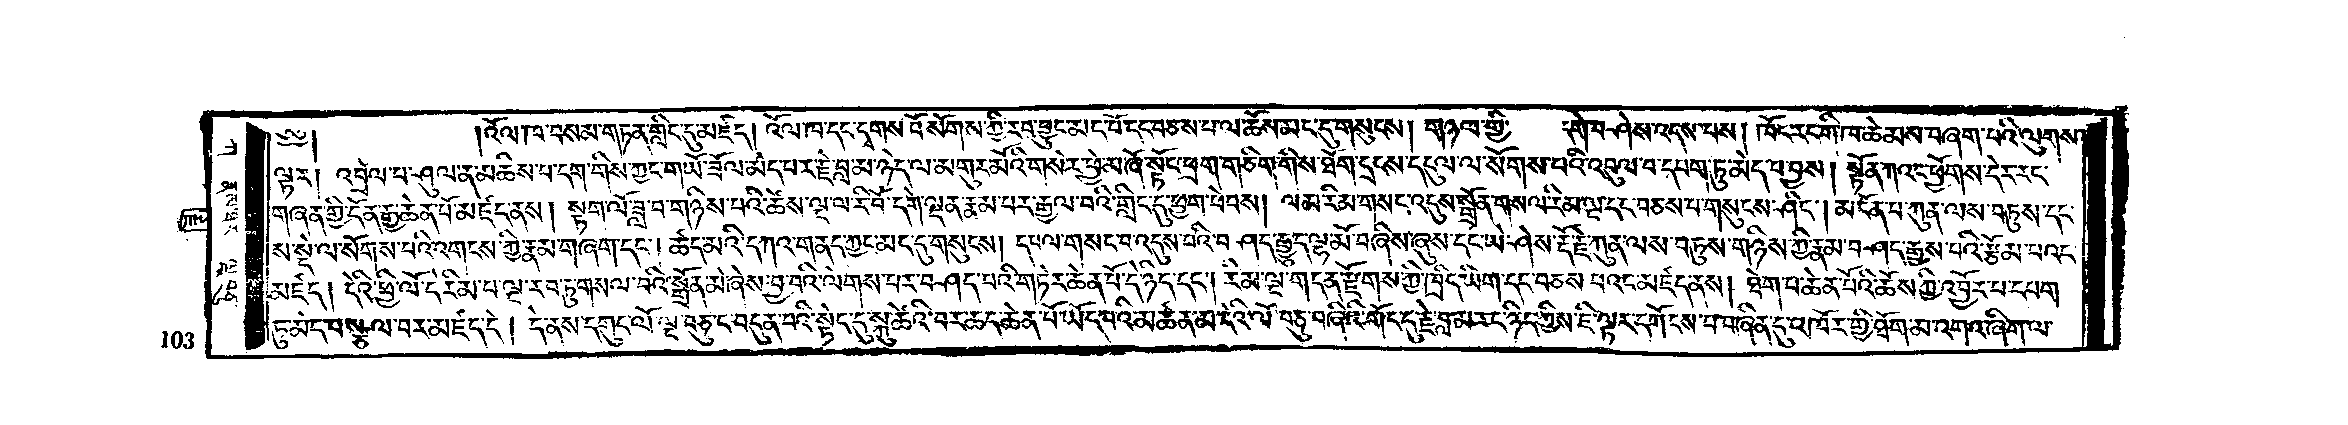༄༅། །འོལ་ཁ་བསམ་གཏན་གླིང་དུ་མཛད། འོལ་ཁ་དང་དྭགས་པོ་སོགས་ཀྱི་རབ་བྱུང་མང་པོ་དང་བཅས་པ་ལ་ཆོས་མང་དུ་གསུངས། གཉལ་གྱི་དགེ་བཤེས་འདས་པས། ཁོང་རང་གི་ཁ་ཆེམས་བཞག་པའི་ལུགས་
ལྟར། འབྲེལ་པ་ཤུལ་ན་མཆིས་པ་དག་གིས་ཀྱང་གཡོ་ཟོལ་མེད་པར་རྗེ་བླ་མ་ཉེད་ལ་མགུར་མོའི་གསེར་ཕྱེ་མ་ཞོ་སྟོང་ཕྲག་གཅིག་གིས་ཐོག་དྲངས་དངུལ་ལ་སོགས་པའི་འབུལ་བ་དཔག་ཏུ་མེད་པ་བྱས། སྟོན་ཀའང་ཕྱོགས་དེར་རང་
གཞན་གྱི་དོན་རྒྱ་ཆེན་པོ་མཛད་ནས། སྟག་ལོ་ཟླ་བ་གཉིས་པའི་ཚེས་ལྔ་ལ་རི་བོ་དགེ་ལྡན་རྣམ་པར་རྒྱལ་བའི་གླིང་དུ་ཕྱག་ཕེབས། ལམ་རིམ་གསང་འདུས་སྒྲོན་གསལ་རིམ་ལྔ་དང་བཅས་པ་གསུངས་ཤིང་། མངོན་པ་ཀུན་ལས་བཏུས་དང་
ས་སྡེ་ལ་སོགས་པའི་འགངས་ཀྱི་རྣམ་གཞག་དང་། ཚད་མའི་དཀའ་གནད་ཀྱང་མང་དུ་གསུངས། དཔལ་གསང་བ་འདུས་པའི་བཤད་རྒྱུད་ལྷ་མོ་བཞིས་ཞུས་དང་ཡེ་ཤེས་རྡོ་རྗེ་ཀུན་ལས་བཏུས་གཉིས་ཀྱི་རྣམ་བཤད་རྒྱས་པའི་རྩོམ་པའང་
མཛད། དེའི་ཕྱི་ལོ་དེ་རིམ་པ་ལྔ་རབ་ཏུ་གསལ་བའི་སྒྲོན་མེ་ཞེས་བྱ་བའི་ལེགས་པར་བཤད་པའི་གཏེར་ཆེན་པོ་དེ་ཉིད་དང་། རིམ་ལྔ་གདན་རྫོགས་ཀྱི་ཁྲིད་ཡིག་དང་བཅས་པའང་མཛད་ནས། ཐེག་པ་ཆེན་པོའི་ཆོས་ཀྱི་འབྱོར་པ་དཔག་
ཏུ་མེད་པ་སྩལ་བར་མཛད་དེ། དེ་ནས་དགུང་ལོ་ལྔ་བཅུ་ང་བདུན་པའི་སྟེང་དུ་སྐུ་ཚེའི་བར་ཆད་ཆེན་པོ་ཡོད་པའི་མཚན་མ་དེའི་ལོ་བཅུ་བཞིའི་གོང་དུ་རྗེ་བླ་མ་རང་ཉིད་ཀྱིས་ཇི་ལྟར་དགོངས་པ་བཞིན་དུ་འཁོར་གྱི་ཐོག་མ་འགའ་ཞིག་ལ་